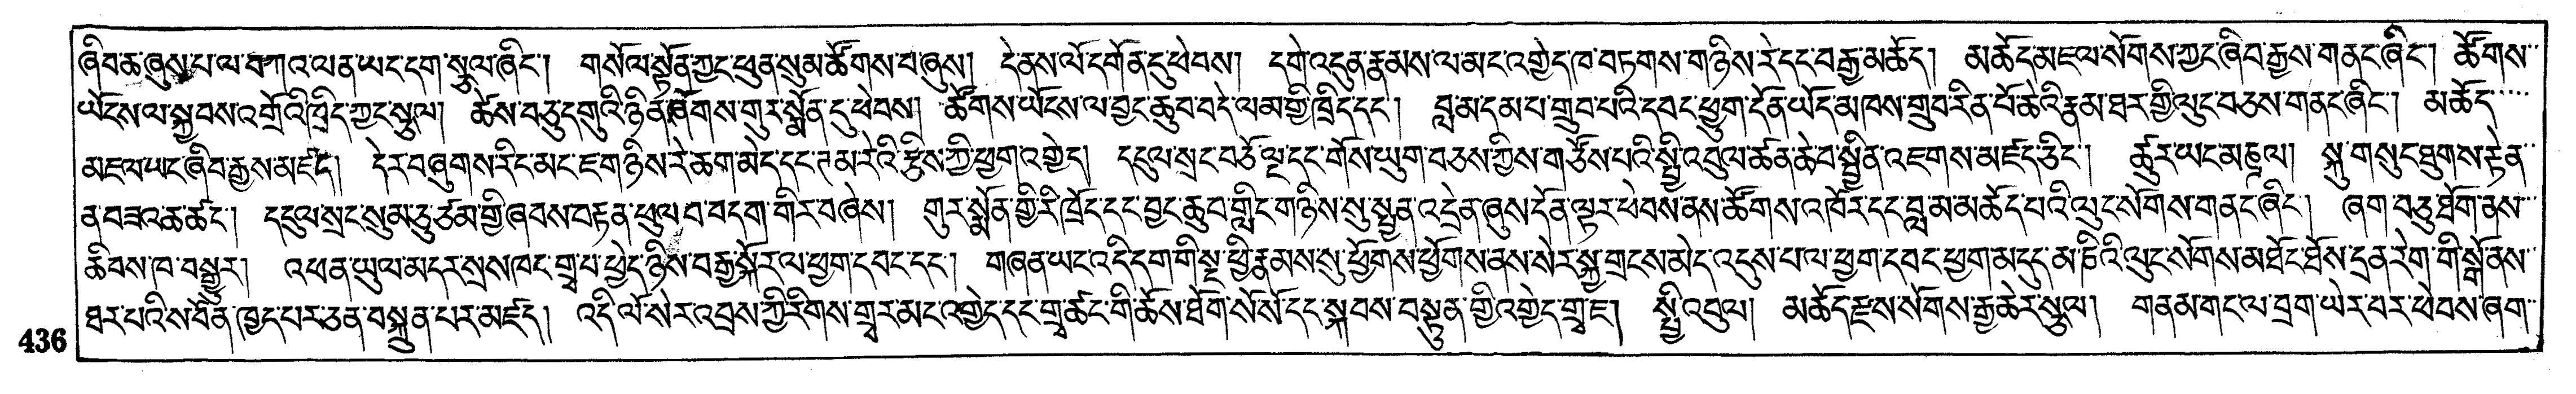ཞིབ་ཆ་ཞུས་པ་ལ་བཀའ་ལན་ཡང་དག་སྩལ་ཞིང་། གསོལ་སྟོན་ཀྱང་ཕུན་སུམ་ཚོགས་པ་ཞུས། དེ་ནས་ལོ་དགོན་དུ་ཕེབས། དགེ་འདུན་རྣམས་ལ་མང་འགྱེད་ཁ་བཏགས་གཉིས་རེ་དང་བརྒྱ་མཆོད། མཆོད་མཇལ་སོགས་ཀྱང་ཞིབ་རྒྱས་གནང་ཞིང་། ཚོགས་
ཡོངས་ལ་སྐྱབས་འགྲོའི་ཁྲིད་ཀྱང་སྩལ། ཆོས་བཅུ་དགུའི་ཉིན་ཞོགས་གུར་སྨོན་དུ་ཕེབས། ཚོགས་ཡོངས་ལ་བྱང་ཆུབ་བདེ་ལམ་གྱི་ཁྲིད་དང་། བླ་མ་དམ་པ་གྲུབ་པའི་དབང་ཕྱུག་དོན་ཡོད་མཁས་གྲུབ་རིན་པོ་ཆེའི་རྣམ་ཐར་གྱི་ལུང་བཅས་གནང་ཞིང་། མཆོད་
མཇལ་ཡང་ཞིབ་རྒྱས་མཛད། དེར་བཞུགས་རིང་མང་ཇ་གཉིས་རེ་ཆག་མེད་དང་ཊམ་རེའི་རྩིས་ཀྱི་ཕྱག་འགྱེད། དངུལ་སྲང་བཅོ་ལྔ་དང་གོས་ཡུག་བཅས་ཀྱིས་གཙོས་པའི་སྤྱི་འབུལ་ཚན་ཆེ་བ་སྦྱིན་འཇགས་མཛད་ཅིང་། ཚུར་ཡང་མཎྜལ། སྐུ་གསུང་ཐུགས་རྟེན་
ན་བཟའ་ཆ་ཆང་། དངུལ་སྲང་སུམ་ཅུ་ཙམ་གྱི་ཞབས་བརྟན་ཕུལ་བ་བདག་གིར་བཞེས། གུར་སྨོན་གྱི་རི་ཁྲོད་དང་བྱང་ཆུབ་གླིང་གཉིས་སུ་སྦྱན་འདྲེན་ཞུས་དོན་ལྟར་ཕེབས་ནས་ཚོགས་འཁོར་དང་བླ་མ་མཆོད་པའི་ལུང་སོགས་གནང་ཞིང་། ཞག་བཅུ་ཐོག་ནས་
ཆིབས་ཁ་བསྒྱུར། འཕན་ཡུལ་མདར་སྲས་ཁང་གྲྭ་པ་ཕྱེད་ཉིས་བརྒྱ་སྐོར་ལ་ཕྱག་དབང་དང་། གཞན་ཡང་འདི་དག་གི་སྔ་ཕྱི་རྣམས་སུ་ཕྱོགས་ཕྱོགས་ནས་སེར་སྐྱ་གྲངས་མེད་འདུས་པ་ལ་ཕྱག་དབང་ཕྱག་མ་དུད་མ་ཎིའི་ལུང་སོགས་མཐོང་ཐོས་དྲན་རེག་གི་སྒོ་ནས་
ཐར་པའི་ས་བོན་ཁྱད་པར་ཅན་བསྐྲུན་པར་མཛད། འདི་ལོ་སེར་འབྲས་ཀྱི་རིགས་གྲྭར་མང་འགྱེད་དང་གྲྭ་ཚང་གི་ཆོས་ཐོག་སོ་སོ་དང་སྐབས་བསྟུན་གྱི་འགྱེད་གྲྭ་ཇ། སྦྱི་འབུལ། མཆོད་རྫས་སོགས་རྒྱ་ཆེར་སྩལ། གནམ་གང་ལ་བྲག་ཡེར་པར་ཕེབས་ཞག་